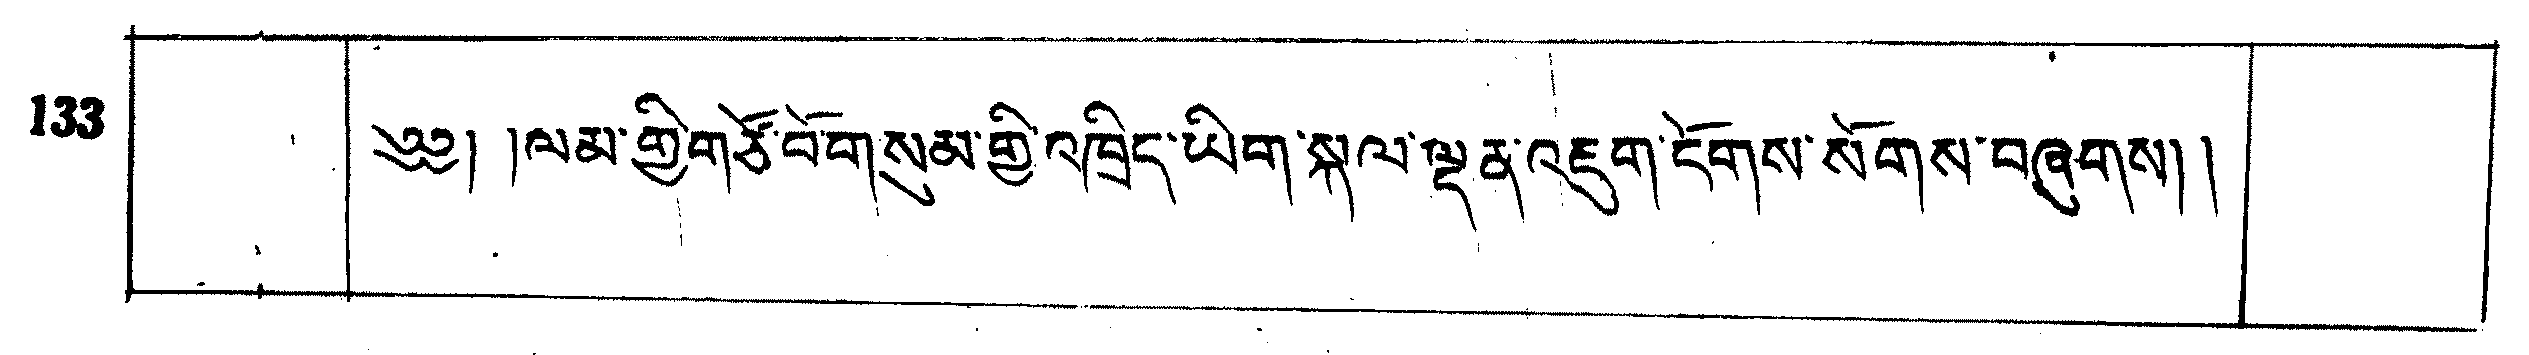༄༅། །ལམ་གྱི་གཙོ་བོ་གསུམ་གྱི་འཁྲིད་ཡིག་སྐལ་ལྡན་འཇུག་ངོགས་སོགས་བཞུགས། །